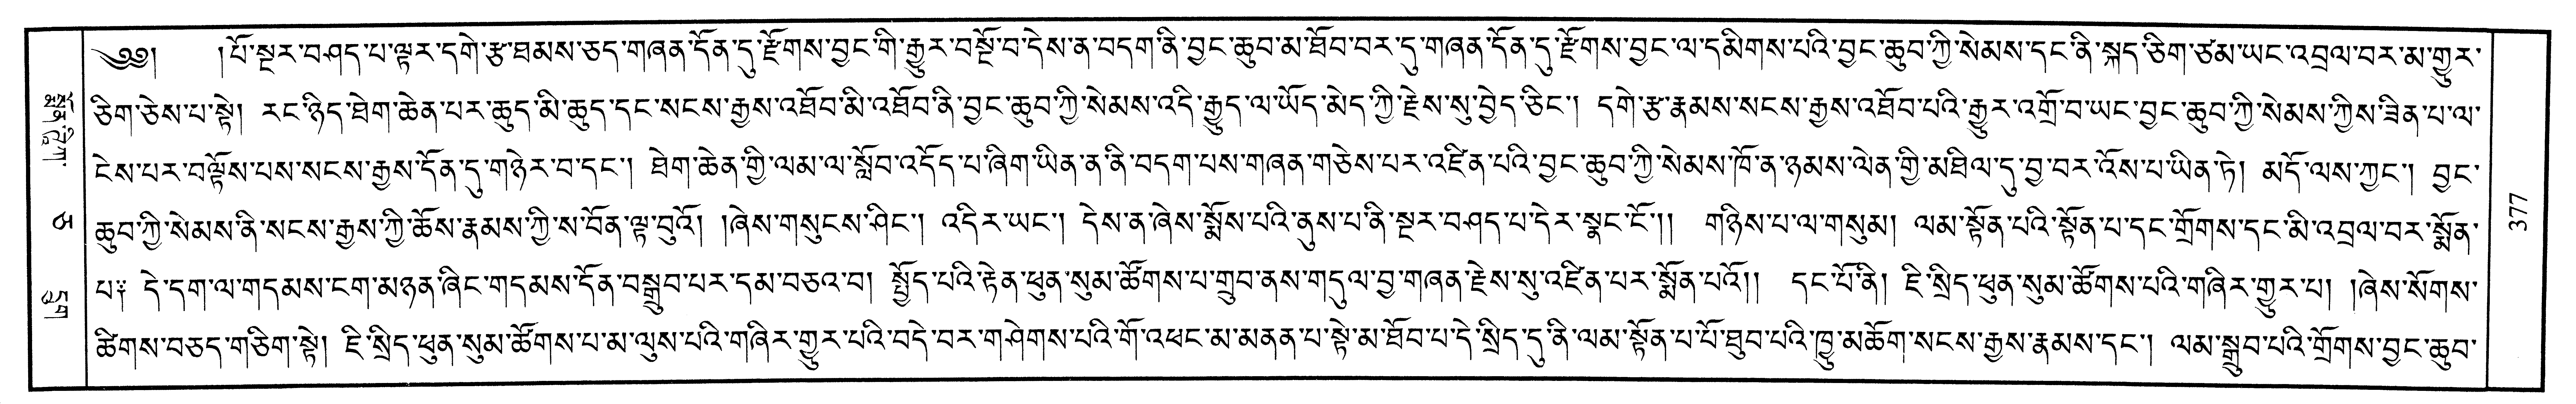༄༅། །པོ་སྔར་བཤད་པ་ལྟར་དགེ་རྩ་ཐམས་ཅད་གཞན་དོན་དུ་རྫོགས་བྱང་གི་རྒྱུར་བསྔོ་བ་དེས་ན་བདག་ནི་བྱང་ཆུབ་མ་ཐོབ་པར་དུ་གཞན་དོན་དུ་རྫོགས་བྱང་ལ་དམིགས་པའི་བྱང་ཆུབ་ཀྱི་སེམས་དང་ནི་སྐད་ཅིག་ཙམ་ཡང་འབྲལ་བར་མ་གྱུར་
ཅིག་ཅེས་པ་སྟེ། རང་ཉིད་ཐེག་ཆེན་པར་ཆུད་མི་ཆུད་དང་སངས་རྒྱས་འཐོབ་མི་འཐོབ་ནི་བྱང་ཆུབ་ཀྱི་སེམས་འདི་རྒྱུད་ལ་ཡོད་མེད་ཀྱི་རྗེས་སུ་བྱེད་ཅིང་། དགེ་རྩ་རྣམས་སངས་རྒྱས་འཐོབ་པའི་རྒྱུར་འགྲོ་བ་ཡང་བྱང་ཆུབ་ཀྱི་སེམས་ཀྱིས་ཟིན་པ་ལ་
ངེས་པར་བལྟོས་པས་སངས་རྒྱས་དོན་དུ་གཉེར་བ་དང་། ཐེག་ཆེན་གྱི་ལམ་ལ་སློབ་འདོད་པ་ཞིག་ཡིན་ན་ནི་བདག་པས་གཞན་གཅེས་པར་འཛིན་པའི་བྱང་ཆུབ་ཀྱི་སེམས་ཁོ་ན་ཉམས་ལེན་གྱི་མཐིལ་དུ་བྱ་བར་འོས་པ་ཡིན་ཏེ། མདོ་ལས་ཀྱང་། བྱང་
ཆུབ་ཀྱི་སེམས་ནི་སངས་རྒྱས་ཀྱི་ཆོས་རྣམས་ཀྱི་ས་བོན་ལྟ་བུའོ། །ཞེས་གསུངས་ཤིང་། འདིར་ཡང་། དེས་ན་ཞེས་སྨོས་པའི་ནུས་པ་ནི་སྔར་བཤད་པ་དེར་སྣང་ངོ།། གཉིས་པ་ལ་གསུམ། ལམ་སྟོན་པའི་སྟོན་པ་དང་གྲོགས་དང་མི་འབྲལ་བར་སྨོན་
པ༑ དེ་དག་ལ་གདམས་ངག་མཉན་ཞིང་གདམས་དོན་བསྒྲུབ་པར་དམ་བཅའ་བ། སྤྱོད་པའི་རྟེན་ཕུན་སུམ་ཚོགས་པ་གྲུབ་ནས་གདུལ་བྱ་གཞན་རྗེས་སུ་འཛིན་པར་སྨོན་པའོ།། དང་པོ་ནི། ཇི་སྲིད་ཕུན་སུམ་ཚོགས་པའི་གཞིར་གྱུར་པ། །ཞེས་སོགས་
ཚིགས་བཅད་གཅིག་སྟེ། ཇི་སྲིད་ཕུན་སུམ་ཚོགས་པ་མ་ལུས་པའི་གཞིར་གྱུར་པའི་བདེ་བར་གཤེགས་པའི་གོ་འཕང་མ་མནན་པ་སྟེ་མ་ཐོབ་པ་དེ་སྲིད་དུ་ནི་ལམ་སྟོན་པ་པོ་ཐུབ་པའི་ཁྱུ་མཆོག་སངས་རྒྱས་རྣམས་དང་། ལམ་སྒྲུབ་པའི་གྲོགས་བྱང་ཆུབ་